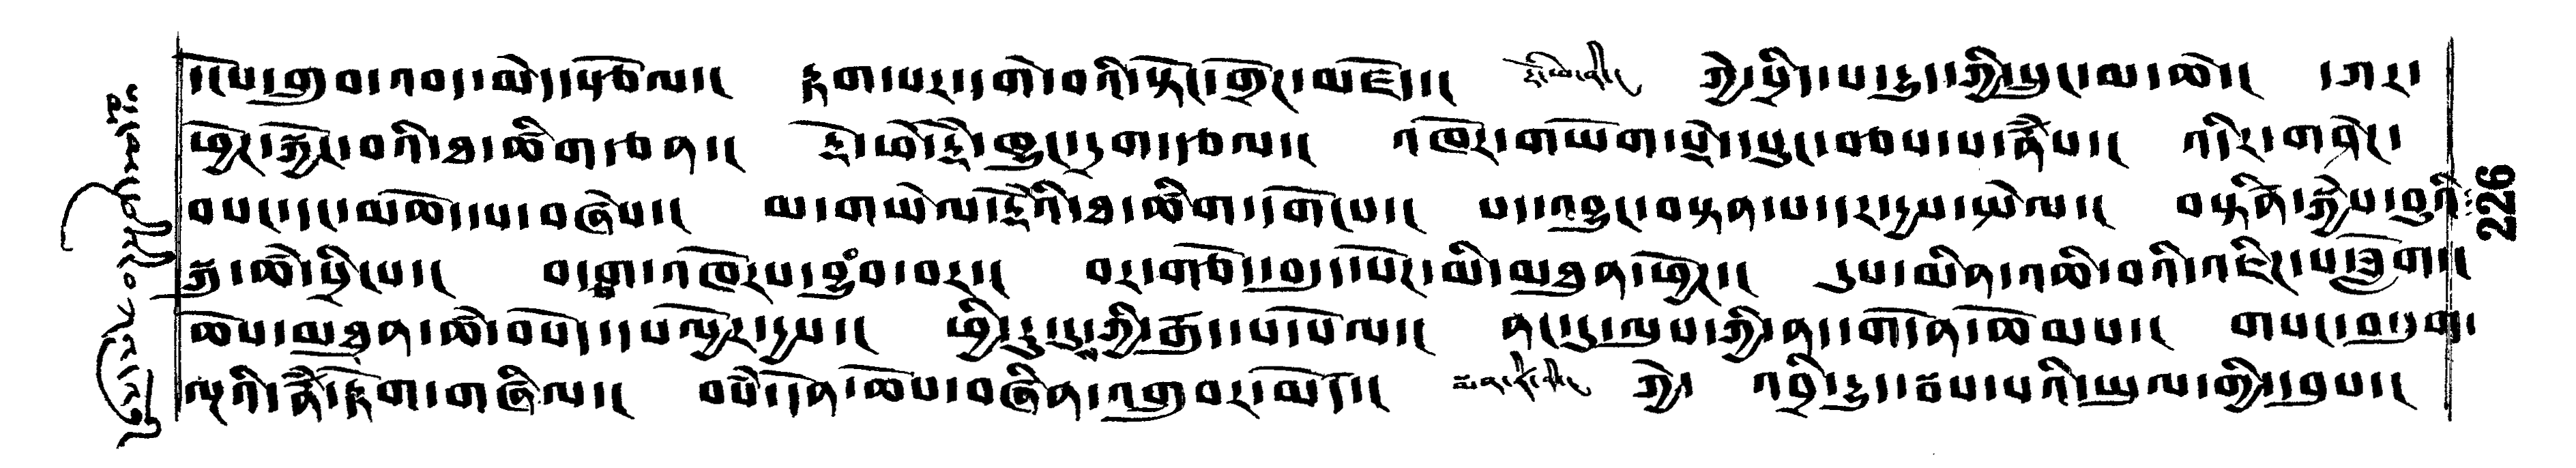དངོས་གྲུབ་འབད་མེད་སྩོལ། །རྟག་པར་དགེ་བའི་སྟོང་གྲོགས་མཛོད། ། རྡོ་ཡེ་ནི། ཀྱཻ། སྲིད་པ་རྒྱུད་ཀྱི་སྲུང་མ་ཆེ། །དཀར་
ཕྱོགས་སྐྱོང་བའི་ཐ་ཚིག་ཅན། །རྡོ་ཕེ་རྡོ་རྗེ་ཁྱུང་དྲག་རྩལ། །འཁོར་གཡོག་སྡེ་དཔུང་བཅས་པ་རྣམས། །འདིར་གཤེགས་
བསང་དང་མཆོད་པ་བཞེས། །མ་གཡེལ་རྡོ་རྗེའི་ཐ་ཚིག་དགོངས། །པད་འབྱུང་བསྟན་པ་དར་རྒྱས་སྤེལ། །བསྟན་འཛིན་སྐྱེས་བུའི་
སྐུ་ཚེ་སྲིངས། །བདག་ཅག་འཁོར་བཅས་བྱང་ཆུབ་བར། །བར་གཅོད་བདུད་སོགས་མི་མཐུན་ཕྱོགས། །དུས་མིན་འཆི་བའི་འཇིགས་པ་ཟློག 
ཆོས་མཐུན་ཚེ་བསོད་དཔལ་འབྱོར་རྒྱས། །ཕྱི་རུ་དུས་ཀྱི་རྒུད་པ་སོལ། །ནང་དུ་ལུས་ཀྱི་ནད་གདོན་ཆོམས། །གསང་བ་དུག་
ལྔའི་རྣམ་རྟོག་གཞིལ། །བསམ་དོན་ཆོས་བཞིན་འགྲུབ་པར་མཛོད། ། སྨན་རི་ནི། ཀྱཻ། །འབྲི་རྒྱུད་སྦས་པའི་ཡུལ་གྱི་དབུས།